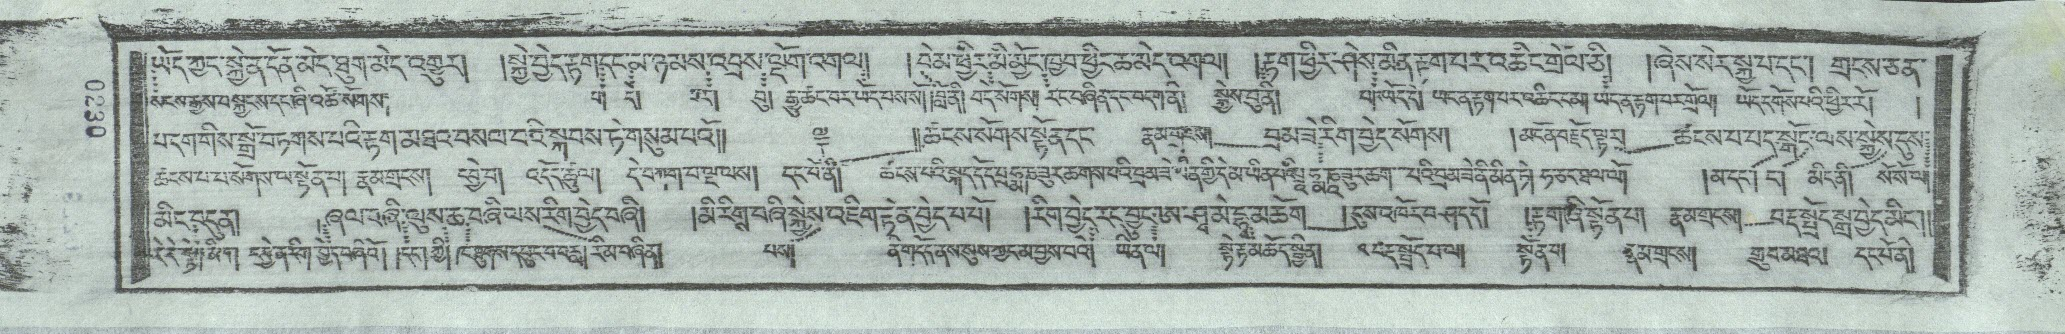ཡོད་ཀྱང་སྐྱེན་དོན་མེད་ཐུག་མེད་འགྱུར། །སྐྱེ་བྱེད་རྟག་དང་མ་ཉམས་འབྲས་ལྡོག་འགལ། །བེམ་ཕྱིར་མི་མྱོང་ཁྱབ་ཕྱིར་ཆ་མེད་འགལ། །རྟག་ཕྱིར་ཤེས་མིན་རྟག་པར་འཆིང་གྲོལ་ཅི། །ཞེས་སེར་སྐྱ་པ་དང་། གྲངས་ན་
སངས་རྒྱས་བསྐྱངས་དང་ཞི་འཚེ་སོགས། པ། དེ། པར། བུ། རྒྱུ་ཚང་བར་ཡོད་པས་སོ། །བློ་ནི། བདེ་སོགས། རང་བཞིན་དང་བདག་ནི། སྐྱེས་བུ་ནི། གསོད་པ། ཡང་ན་རྟག་པར་འཆིང་ངམ། ཡང་ན་རྟག་པར་འགྲོས། ཡོད་བགོས་པའི་ཕྱིར་རོ། །
བདག་གིས་སྒྲོ་བཏགས་པའི་རྟག་མཐའ་བསལ་བའི་སྐབས་ཏེ་གསུམ་པའོ།། ༈ །།ཚངས་སོགས་སྟོན་དང་རྣམ་གྲངས། བྲམ་ཟེ་རིག་བྱེད་སོགས། །མངོན་བརྗོད་ལྟར། ཚངས་པ་བད་སྒོང་ལས་སྦྱེབ?་དུས་
ཚངས་པ་པ་སོགས་ལ་སྟོན་པ། རྣམ་གྲངས། དབྱེ་བ། འདོད་ཚུལ། དེ་བཀག་པ་ལྔ་ལས། དང་པོ་ནི། ཚངས་པའི་སྐད་དོད་པྲཧྨ་ཎ་ཟུར་ཆགས་པའི་བྲམ་ཟེ་ཡིན་གྱི་དེ་མ་ཡིན་པའི་ཤྲཱ་ཧྨཎཱ་ཟུར་ཆག་པའི་བྲམ་ཟེ་ནི་མིན་ཏེ། ཧ་ཅང་ཐལ་ལོ། །མ་དང་། ང་། མིང་ནི། སོག?་ལ།
མིང་བདུན། །ཞལ་བཞི་ལུས་ཆ་བཞི་ལས་རིག་བྱེད་བཞི། །མི་རིགས་བཞི་སྐྱེས་འཇིག་རྟེན་བྱེད་པ་པོ། །རིག་བྱེད་རང་བྱུང་ཨ་ཤཱ་མེ་དྷཱ་མཆོག །དུས་འཁོར་བཤད་དོ། །རྟག་ཞི་སྟོན་པ། རྣམ་གྲངས། བརྡ་སྤྲོད་སྒྲ་བྱེད་མིང་། །
རེ་རེ་སྟེ། མིང་། དབྱེན་རིག་བྱེད་བཞིའོ། །ངང་། ཀྱི། ང?་ཐུགས་དཔུང་བ་བརླ། རིམ་བཞིན། བས། ནི་གདོད་ནས་སུས་ཀྱང་མ་བྱས་པའི། ཡིན་ལ། སྟེ་རྟ་མཆོད་སྦྱིན། འཇད?་སྦྲོད་པ་ལ། སྟོན་པ། རྣམ་གྲངས། གྲུབ་མཐའ། དཔེ?་རི།